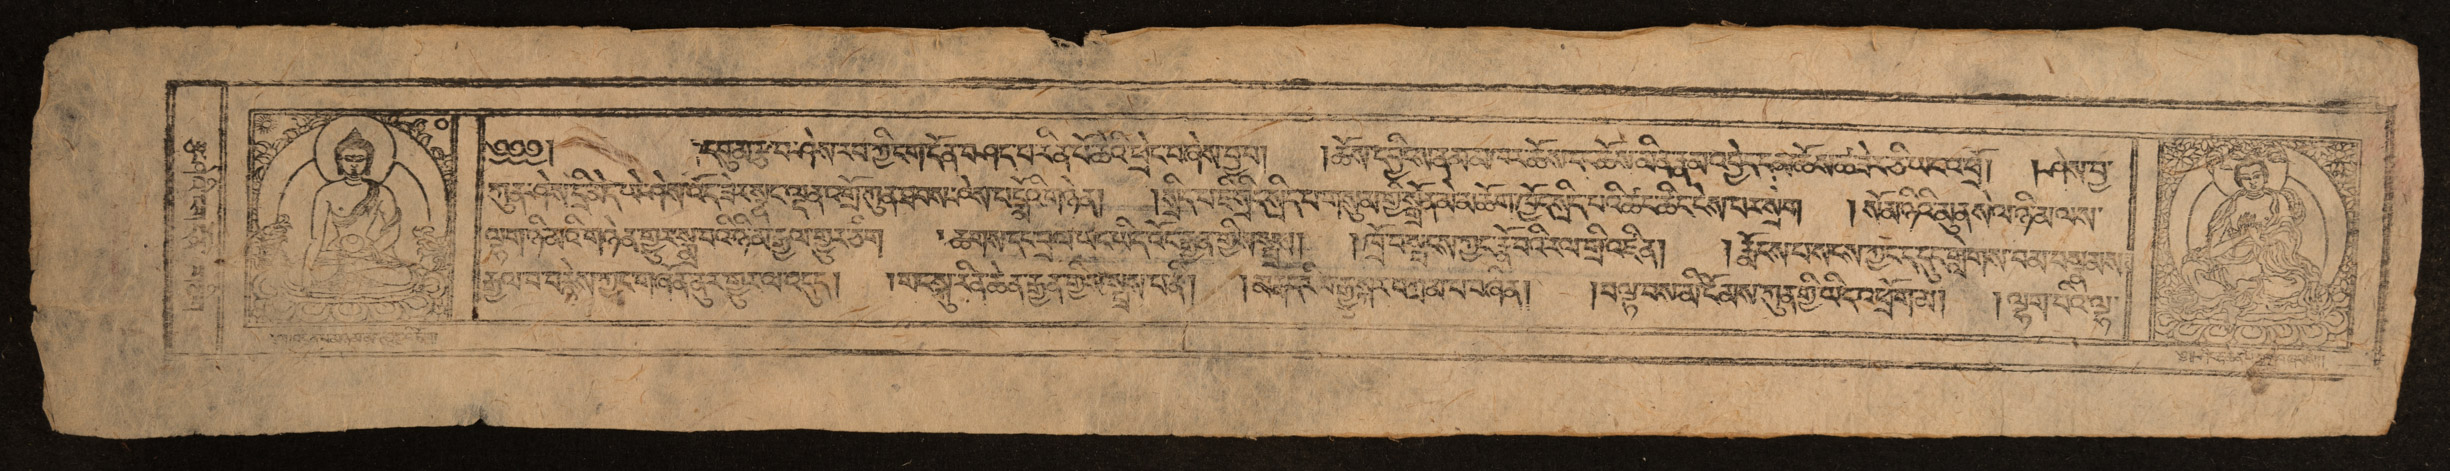༄༅༅། །དབུ་མ་རྩ་བ་ཤེས་རབ་ཀྱི་ངག་དོན་བཤད་པ་རིན་པོ་ཆེའི་ཕྲེང་བ་ཞེས་བྱ་བ། །ཆོས་དབྱིངས་ནམ་མཁར་ཆོས་དང་ཆོས་མིན་རྣམ་འབྱེད་དམ་ཆོས་ཚ་ཟེར་ཅི་ཡང་འཕྲོ། །ཤེས་བྱ་
ཀུན་ཤེས་དྲི་མེད་ཡེ་ཤེས་འོད་ཟེར་སྣང་ལྡན་འགྲོ་ཀུན་ཐབས་ཤེས་པདམོའི་གཉེན། །སྲིད་པ་ཇི་སྲིད་སྲིད་པ་གསུམ་གྱི་སྒྲོན་མེ་མཆོག་ཁྱོད་སྲིད་པའི་ཚང་ཚིང་ངེས་པར་སྲེག །སོམ་ཉིའི་མུན་སེལ་ཉི་མ་ལས་
ལྷག་ཉི་མའི་གཉེན་གྱུར་སྨྲ་བའི་ཉི་མ་རྒྱལ་གྱུར་ཅིག །ཆགས་དང་བལ་ཡང་ཡིད་འོང་རྒྱན་གྱིས་སྤྲས། །ཁྲོ་བ་སྤངས་ཀྱང་རྣོ་བའི་རལ་གྲི་འཛིན། །རྨོངས་པ་སངས་ཀྱང་ད་དུང་གླེགས་བམ་བསྣམས་
རྒྱལ་བ་བརྙེས་ཀྱང་གཞོན་ནུར་གྱུར་ལ་འདུད། །གང་སྐུ་རིན་ཆེན་རྒྱན་གྱིས་སྤྲས་པ་ནི། །མརྒད་རིལ་རྒྱུ་སྐར་བཀྲམ་པ་བཞིན། །བལྟ་བས་མི་ངོམས་ཀུན་གྱི་ཡིད་འཕྲོག་མ། །ལྷག་པའི་ལྷ་